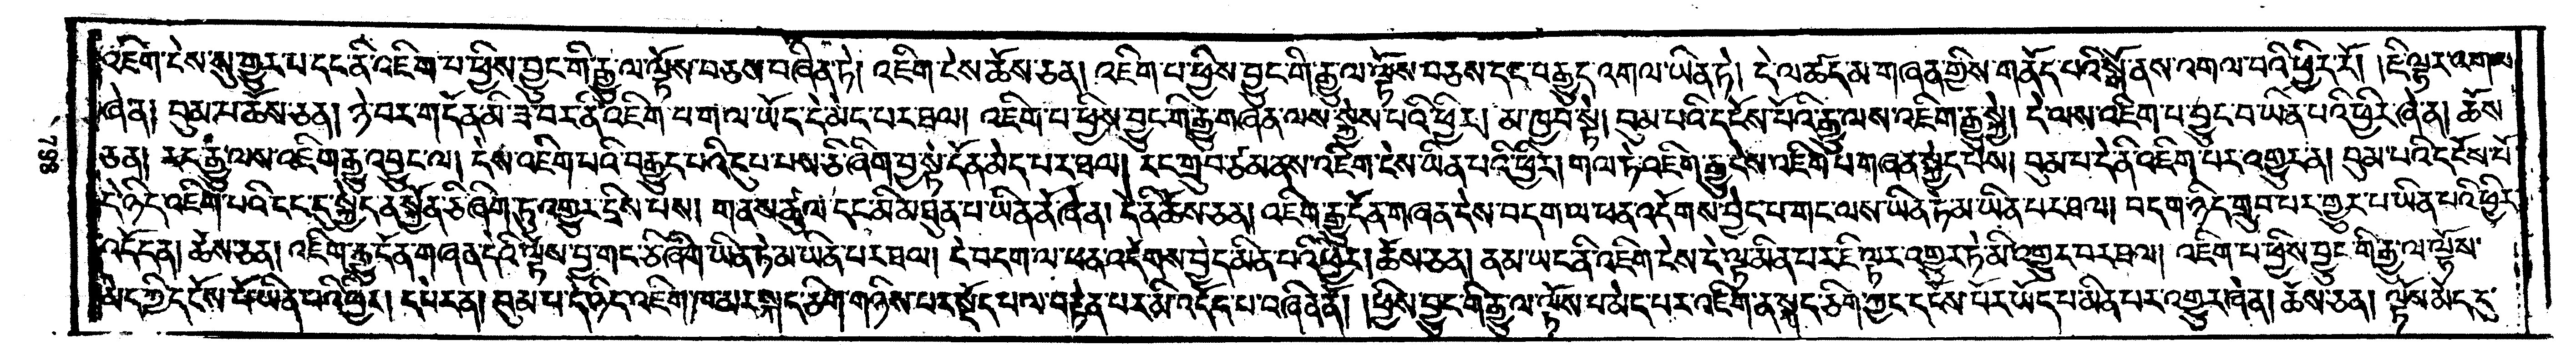འཇིག་ངེས་སུ་གྱུར་པ་དང་ནི་འཇིག་པ་ཕྱིས་བྱུང་གི་རྒྱུ་ལ་ལྟོས་བཅས་བཞིན་ཏེ། འཇིག་ངེས་ཆོས་ཅན། འཇིག་པ་ཕྱིས་བྱུང་གི་རྒྱུ་ལ་ལྟོས་བཅས་དང་བརྒྱུད་འགལ་ཡིན་ཏེ། དེ་ལ་ཚད་མ་གཞན་གྱིས་གནོད་པའི་སྒོ་ནས་འགལ་བའི་ཕྱིར་རོ། །ཇི་ལྟར་འགས་
ཞེ་ན། བུམ་པ་ཆོས་ཅན། ཉེ་བར་གདོན་མི་ཟ་བར་ནི་འཇིག་པ་ག་ལ་ཡོད་དེ་མེད་པར་ཐལ། འཇིག་པ་ཕྱིས་བྱུང་གི་རྒྱུ་གཞན་ལས་སྐྱེས་པའི་ཕྱིར། མ་ཁྱབ་སྟེ། བུམ་པའི་དངོས་པོའི་རྒྱུ་ལས་འཇིག་རྒྱུ་སྐྱེ། དེ་ལས་འཇིག་པ་བྱུང་བ་ཡིན་པའི་ཕྱིར་ཞེ་ན། ཆོས་
ཅན། རང་རྒྱུ་ལས་འཇིག་རྒྱུ་འབྱུང་ལ། དེས་འཇིག་པའི་བརྒྱུད་པའི་དུ་བ་པས་ཅི་ཞིག་བྱ་སྟེ་དོན་མེད་པར་ཐལ། རང་གྲུབ་ཙམ་ནས་འཇིག་ངེས་ཡིན་པའི་ཕྱིར། གལ་ཏེ་འཇིག་རྒྱུ་དེས་འཇིག་པ་གཞན་སྐྱེད་པས། བུམ་པ་དེ་ནི་འཇིག་པར་འགྱུར་ན། བུམ་པའི་དངོས་པོ་
དེ་ཉིད་འཇིག་པའི་དང་དུ་སྐྱེད་ན་སྐྱོན་ཅི་ཞིག་ཏུ་འགྱུར་དྲིས་པས། གནས་ཚུལ་དང་མི་མཐུན་པ་ཡིན་ནོ་ཞེ་ན། དེ་ནི་ཆོས་ཅན། འཇིག་རྒྱུ་དོན་གཞན་དེས་བདག་ལ་ཕན་འདོགས་བྱེད་པ་གང་ལས་ཡིན་ཏེ་མ་ཡིན་པར་ཐལ། བདག་ཉིད་གྲུབ་པར་གྱུར་པ་ཡིན་པའི་ཕྱིར་
འདོད་ན། ཆོས་ཅན། འཇིག་རྒྱུ་དོན་གཞན་དེའི་ལྟོས་བྱ་གང་ཅི་ཞིག་ཡིན་ཏེ་མ་ཡིན་པར་ཐལ། དེ་བདག་ལ་ཕན་འདོགས་བྱེད་མིན་པའི་ཕྱིར། ཆོས་ཅན། ནམ་ཡང་ནི་འཇིག་ངེས་དེ་ལྟ་མིན་པར་ཇི་ལྟར་འགྱུར་ཏེ་མི་འགྱུར་པར་ཐལ། འཇིག་པ་ཕྱིས་བྱུང་གི་རྒྱ་ལ་ལྟོས་
མེད་ཀྱི་དངོས་པོ་ཡིན་པའི་ཕྱིར། དཔེར་ན། བུམ་པ་དེ་ཉིད་འཇིག་ཁ་མར་སྐད་ཅིག་གཉིས་པར་སྔོད་པ་ལ་བརྟེན་པར་མི་འདོད་པ་བཞིན་ནོ། །ཕྱིས་བྱུང་གི་རྒྱུ་ལ་ལྟོས་པ་མེད་པར་འཇིག་ན་སྐད་ཅིག་ཀྱང་དངོས་པོར་ཡོད་པ་མིན་པར་འགྱུར་ཞེ་ན། ཆོས་ཅན། ལྟོས་མེད་དུ་